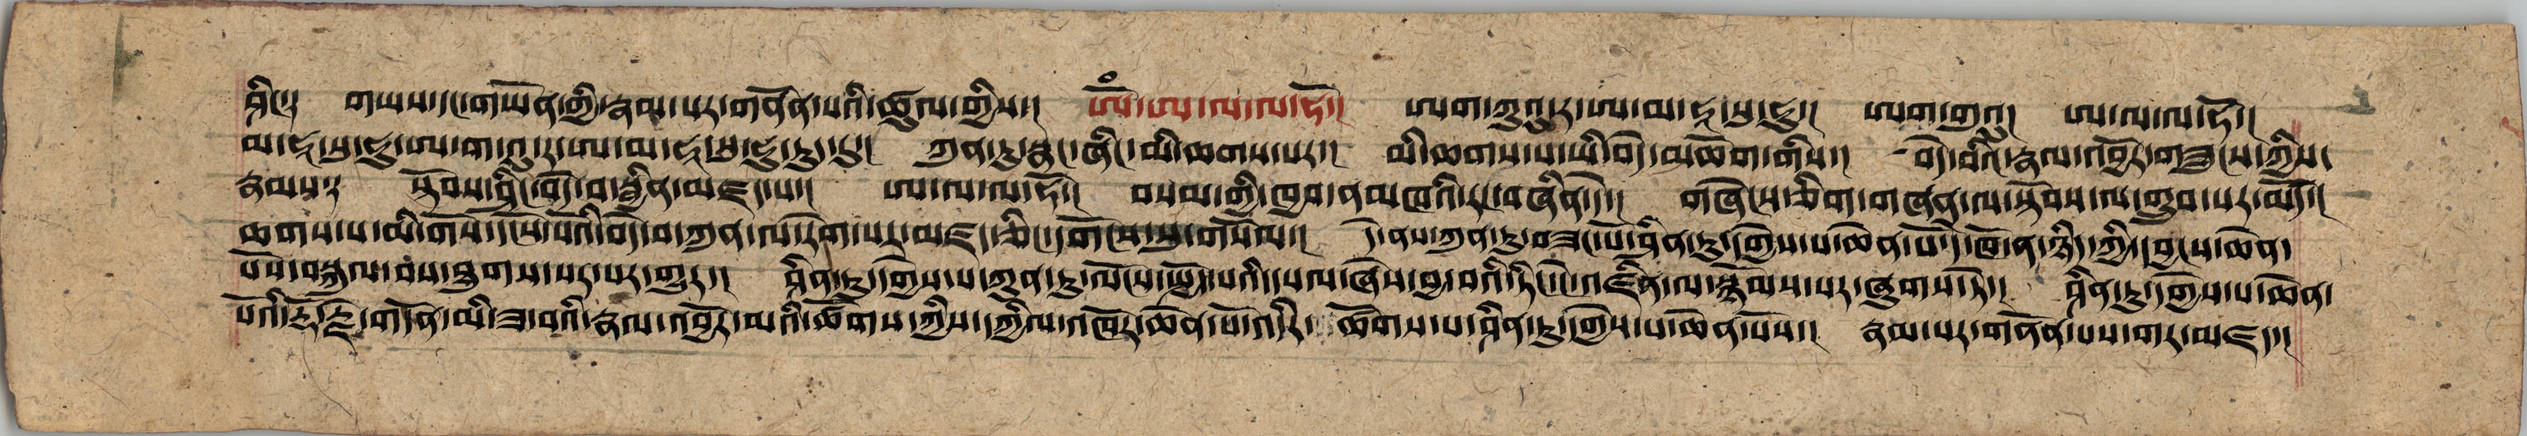ཤིང༑ གཡས་དང་གཡོན་གྱི་རྣམ་པར་གནོན་པའི་ཚུལ་གྱིས་། ཨོ་ཨ་ལ་ལ་ཧོ་། ཨག་ཀུའུ་ར་ཨ་མ་ཧཱ་སུ་ཧུ་། ཨག་གུའུ། ཨ་ལ་ལ་ཧོ་།
མ་ཧཱ་སུ་ཧུ་ཨ་ག་འུ་ར་ཨ་མ་ཧཱ་སུ་ཧུ་རུད་དུ་། ཀུན་ཏུ་སྣང་ཞིང་མི་ཆགས་པར་། མི་ཆགས་པ་ཡི་བདེ་མཆོག་གིས་། བདེ་བའི་རྣལ་འབྱོར་གཟུངས་ཀྱིས་
རྣམས༑ སྟོབས་ཤིང་བདེ་བ་སྦྱིན་མཛད་པ་། ཨ་ལ་ལ་ཧོ་། བསམ་གྱི་ཁྱབ་ནམཁའི་རང་བཞིན་དེ་། གཞེངས་ཅིག་གཞན་ལ་སྟོབས་ལ་གྲུབ་པར་མཛོད་།
ཆགས་པ་མི་གོས་དངོས་པོའི་བདེ་བ་ཀུན་ལ་རེག་པར་མཛད་ཅིང་དགོངས་སུ་གསོལ་། དེ་ནས་ཀུན་ཏུ་བཟང་པོ་ཤིན་ཏུ་དགྱེས་པ་ཆེན་པོ་དེ་ཁོ་ན་ཉིད་ཀྱི་དབྱངས་ཆེན་
པོས་བསྐུལ་བས་ཐུགས་སར་པར་གྱུར་། ཤིན་ཏུ་དགྱེས་པ་ཀུན་ཏུ་ལོངས་སྤྱོད་པའི་དཔལ་ཞེས་བྱ་བའི་ཏིང་ངེ་འཛིན་ལ་སྙོམས་པར་ཞུགས་ཏེ་། ཤིན་ཏུ་དགྱེས་པ་ཆེན་
པའི་རྡོ་རྗེ་གདོད་མི་ཟ་བའི་རྣལ་འབྱོར་མའི་ཚོགས་ཀྱིས་དཀྱིལ་འཁོར་ཆེན་པོ་འདིར་ ཚོགས་པ་ཤིན་ཏུ་དགྱེས་པ་ཆེན་པོས་། རྣམ་པར་གནོན་པས་གར་མཛད་།